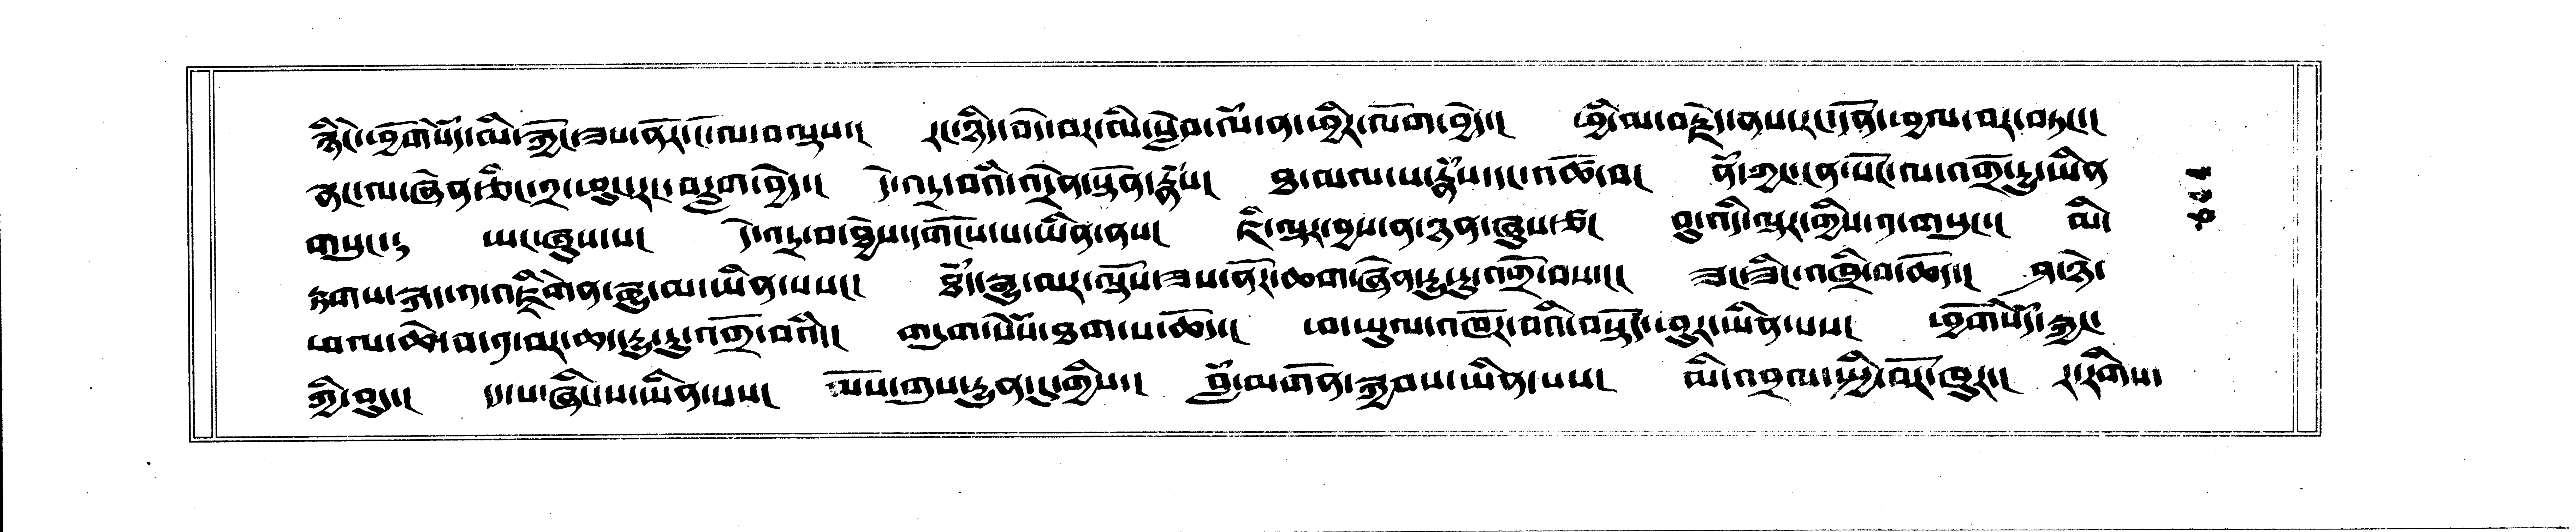སྙིང་རྗེ་ཕྱོགས་མེད་མི་སྐྱེ་ཟས་ངོ་ནོར་ངོས་བསྟོད། རང་ཉིད་བདེ་བར་མི་སླེབ་ལམ་ནས་ཕྱིར་ལོག་བྱེད། ཕྱི་མ་བརྗེད་ནས་རང་དོན་རྒྱབ་དུ་བོར། 
སྣང་བ་ལ་ཞན་ཕྱིར་རང་ཕུང་རང་བརླག་བྱེད། དེ་འདྲའི་འདྲེན་སྟོན་པ་རྣམས་ཐ་མལ་པ་དང་མཚུངས། ནམ་ཀྱང་༼ཡང་༽ངན་སོང་གིས་རྒྱུ་ཡིན་
གསུངས། ཡང་ཞུས་པ། དེ་འདྲ་བ་ལ་ཐུགས་རྗེ་དགོངས་པ་ཡིན་པས། ཅི་ལྟར་བྱས་ན་ཉན་ཞུས་ཙ། བུ་འདི་ལྟར་གྱིས་གཅིག་གསུངས། མི་
རྟག་སྐད་གཅིག་འཇིག་རྒྱུ་ཡིན་པས་ཐམས་ཅད་སྒྱུ་མར་ལྟོས་གསུངས། ཟས་ནོར་ཆགས་ཞན་རྒྱུ་རུ་འགྲོ་བས་ཟང་ཟིང་གི་འཁྲི་བ་ཆོད། ཤ་ཉེ་
ཕལ་གཅིག་བར་ཆོད་ཡིན་པས་གདུང་སེམས་ཐག་པ་ཆོད། ཕ་ཡུལ་འཁོར་བའི་བརྟོད་ཕུར་ཡིན་པས་ཕྱོག་མེད་རྒྱང་
ཤིག་བུད། དད་པ་ཞིང་ས་ཡིན་པས་མོས་གུས་རྒྱུན་དུ་གྱིས། བླ་མ་མགོན་སྐྱབས་ཡིན་པས་མི་འབྲལ་སྤྱི་བོར་སྒོམས། རང་རིག་